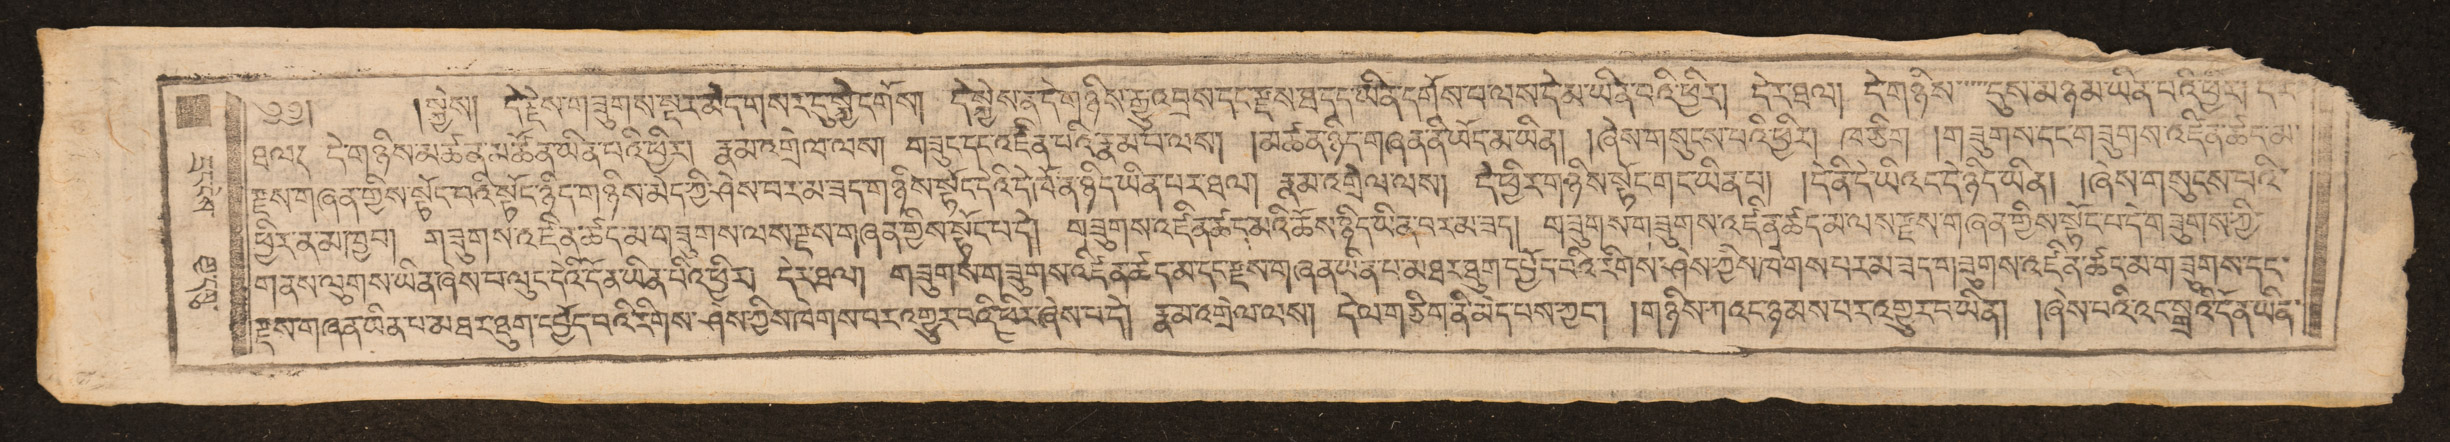༄༅། །སྐྱེས། དེ་རྗེས་གཟུགས་སྔར་མེད་གསར་དུ་སྐྱེ་དགོས། དེ་སྐྱེས་ན་དེ་གཉིས་རྒྱུ་འབྲས་དང་རྫས་ཐ་དད་ཡིན་དགོས་པ་ལས་དེ་མ་ཡིན་པའི་ཕྱིར། དེར་ཐལ། དེ་གཉིས་དུས་མཉམ་ཡིན་པའི་ཕྱིར། དེར་
ཐལ༑ དེ་གཉིས་མཚན་མཚོན་ཡིན་པའི་ཕྱིར། རྣམ་འགྲེལ་ལས། གཟུང་དང་འཛིན་པའི་རྣམ་པ་ལས། །མཚན་ཉིད་གཞན་ནི་ཡོད་མ་ཡིན། །ཞེས་གསུངས་པའི་ཕྱིར། ཁ་ཅིག །གཟུགས་དང་གཟུགས་འཛིན་ཚད་མ་
རྫས་གཞན་གྱིས་སྟོང་པའི་སྟོང་ཉིད་གཉིས་མེད་ཀྱི་ཤེས་པར་མ་ཟད་གཉིས་སྟོང་དེའི་དེ་ཁོ་ན་ཉིད་ཡིན་པར་ཐལ། རྣམ་འགྲེལ་ལས། དེ་ཕྱིར་གཉིས་སྟོང་གང་ཡིན་པ། །དེ་ནི་དེ་ཡིའང་དེ་ཉིད་ཡིན། །ཞེས་གསུངས་པའི་
ཕྱིར་ན་མ་ཁྱབ། གཟུགས་འཛིན་ཚད་མ་གཟུགས་ལས་རྫས་གཞན་གྱིས་སྟོང་པ་དེ། གཟུགས་འཛིན་ཚད་མའི་ཆོས་ཉིད་ཡིན་པར་མ་ཟད། གཟུགས་གཟུགས་འཛིན་ཚད་མ་ལས་རྫས་གཞན་གྱིས་སྟོང་པ་དེ་གཟུགས་ཀྱི་
གནས་ལུགས་ཡིན་ཞེས་པ་ལུང་དེའི་དོན་ཡིན་པའི་ཕྱིར། དེར་ཐལ། གཟུགས་གཟུགས་འཛིན་ཚད་མ་དང་རྫས་གཞན་ཡིན་པ་མཐར་ཐུག་དཔྱོད་པའི་རིགས་ཤེས་ཀྱིས་ཁེགས་པར་མ་ཟད་གཟུགས་འཛིན་ཚད་མ་གཟུགས་དང་
རྫས་གཞན་ཡིན་པ་མཐར་ཐུག་དཔྱོད་པའི་རིགས་ཤེས་ཀྱིས་ཁེགས་པར་འགྱུར་བའི་ཕྱིར་ཞེས་པ་དེ། རྣམ་འགྲེལ་ལས། དེ་ལ་གཅིག་ནི་མེད་པས་ཀྱང་། །གཉིས་ཀའང་ཉམས་པར་འགྱུར་བ་ཡིན། །ཞེས་པའི་འང་སྒྲའི་དོན་ཡིན་